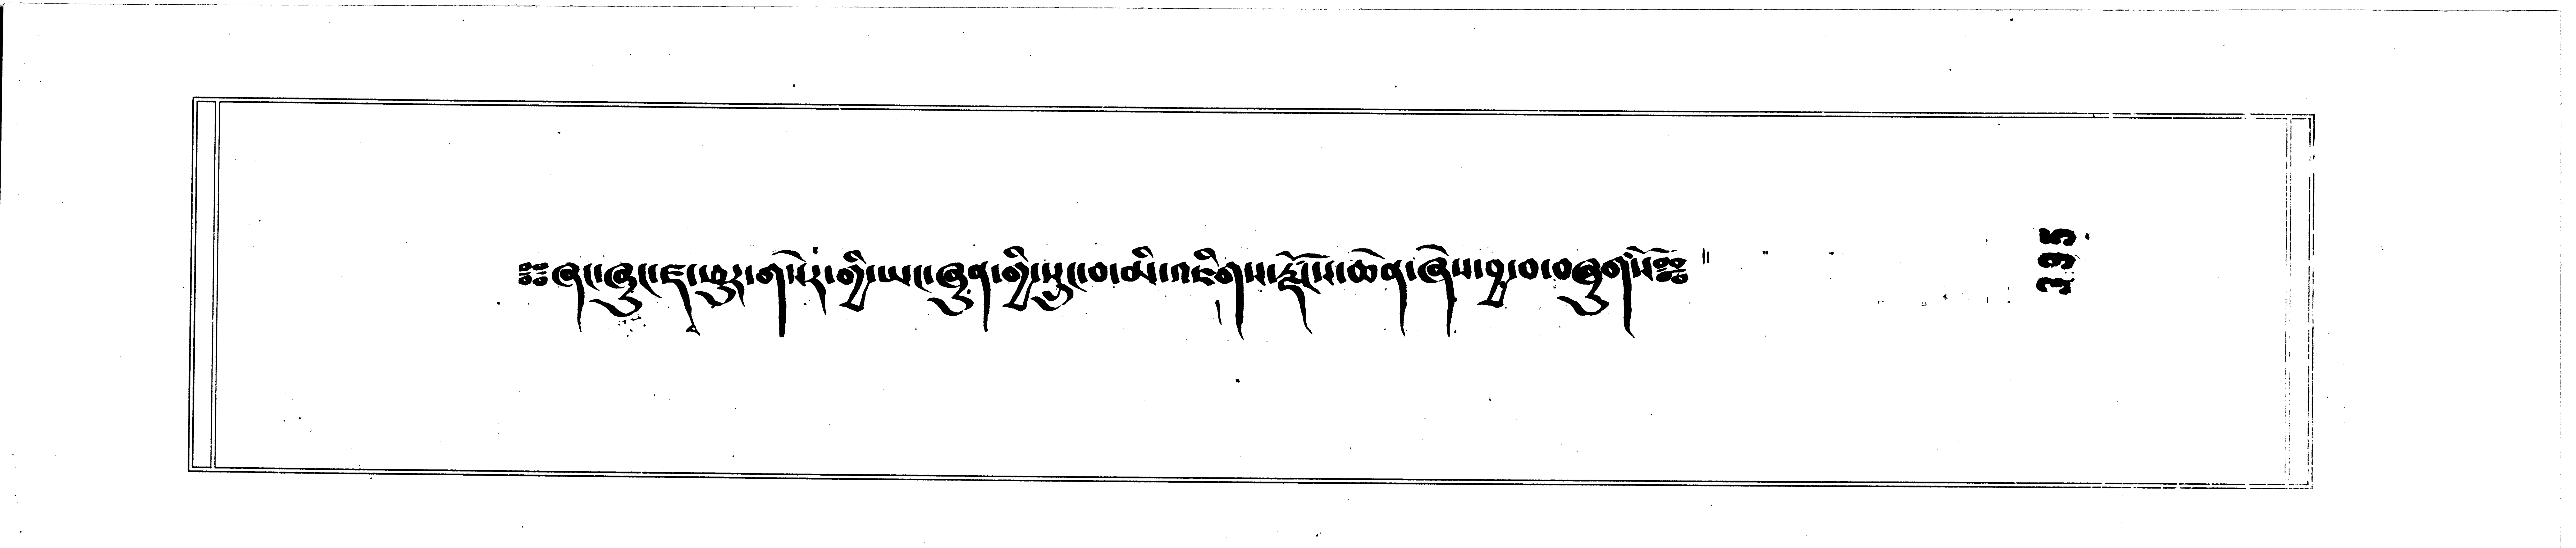༔༔ཞང་ཞུང་ཛྭ་ཕུར་གསེར་གྱི་ཡང་ཞུན་གྱི་སྲུང་བ་མི་འཇིགས་རྫོངས་ཆེན་ཞེས་བྱ་བ་བཞུགས་སོ༔༔